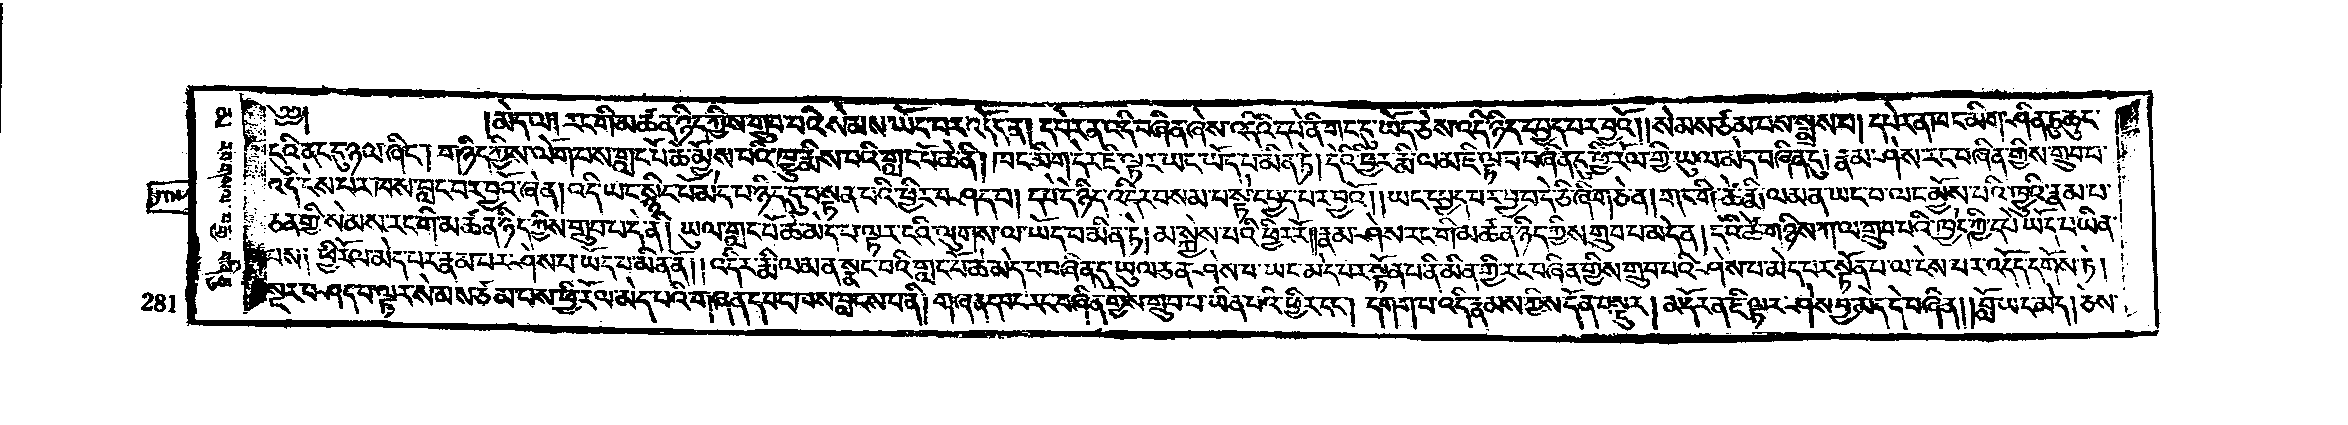༄༅། །མེད་ལ། རང་གི་མཚན་ཉིད་ཀྱིས་གྲུབ་པའི་སེམས་ཡོད་པར་འདོད་ན། དཔེར་ན་འདི་བཞིན་ཞེས་འདིའི་དཔེ་ནི་གང་དུ་ཡོད་ཅེས་འདི་ཉིད་དཔྱད་པར་བྱའོ། །སེམས་ཙམ་པས་སྨྲས་པ། དཔེར་ན་ཁང་མིག་ཤིན་ཏུ་ཆུང་
དུའི་ནང་དུ་ཉལ་ཞིང་། གཉིད་ཀྱིས་ལོག་པས་གླང་པོ་ཆེ་མྱོས་པའི་ཁྱུ་རྨིས་པའི་གླང་པོ་ཆེ་ནི། ཁང་མིག་དེར་ཇི་ལྟར་ཡང་ཡོད་པ་མིན་ཏེ། དེའི་ཕྱིར་རྨི་ལམ་ཇི་ལྟ་བ་བཞིན་དུ་ཕྱི་རོལ་གྱི་ཡུལ་མེད་བཞིན་དུ། རྣམ་ཤེས་རང་བཞིན་གྱིས་གྲུབ་པ་
འདི་ངེས་པར་ཁས་བླང་བར་བྱའོ་ཞེ་ན། འདི་ཡང་སྙིང་པོ་མེད་པ་ཉིད་དུ་བསྟན་པའི་ཕྱིར་བཤད་པ། དཔེ་དེ་ཉིད་འདིར་བསམ་པ་སྟེ་དཔྱད་པར་བྱའོ། །ཡང་དཔྱད་པར་བྱ་བ་དེ་ཅི་ཞིག་ཅེ་ན། གང་གི་ཚེ་རྨི་ལམ་ན་ཡང་བ་ལང་མྱོས་པའི་ཁྱུའི་རྣམ་པ་
ཅན་གྱི་སེམས་རང་གི་མཚན་ཉིད་ཀྱིས་གྲུབ་པ་དེ་ནི། ཡུལ་གླང་པོ་ཆེ་མེད་པ་ལྟར་ངའི་ལུགས་ལ་ཡོད་པ་མིན་ཏེ། མ་སྐྱེས་པའི་ཕྱིར་རོ། །རྣམ་ཤེས་རང་གི་མཚན་ཉིད་ཀྱིས་གྲུབ་པ་མེད་ན། དེའི་ཚེ་གཉིས་ཀ་ལ་གྲུབ་པའི་ཁྱེད་ཀྱི་དཔེ་ཡོད་པ་མིན་
པས། ཕྱི་རོལ་མེད་པར་རྣམ་པར་ཤེས་པ་ཡོད་པ་མིན་ནོ། །འདིར་རྨི་ལམ་ན་སྣང་བའི་གླང་པོ་ཆེ་མེད་པ་བཞིན་དུ་ཡུལ་ཅན་ཤེས་པ་ཡང་མེད་པར་སྟོན་པ་ནི་མིན་གྱི་རང་བཞིན་གྱིས་གྲུབ་པའི་ཤེས་པ་མེད་པར་སྟོན་པ་ལ་ངེས་པར་འདོད་དགོས་ཏེ།
སྔར་བཤད་པ་ལྟར་སེམས་ཙམ་པས་ཕྱི་རོལ་མེད་པའི་གཞན་དབང་ཁས་བླངས་པ་ནི། གཞན་དབང་རང་བཞིན་གྱིས་གྲུབ་པ་ཡིན་པའི་ཕྱིར་དང་། དགག་པ་འདི་རྣམས་ཀྱིས་དོན་བསྡུར། མདོར་ན་ཇི་ལྟར་ཤེས་བྱ་མེད་དེ་བཞིན། །བློ་ཡང་མེད། ཅེས་